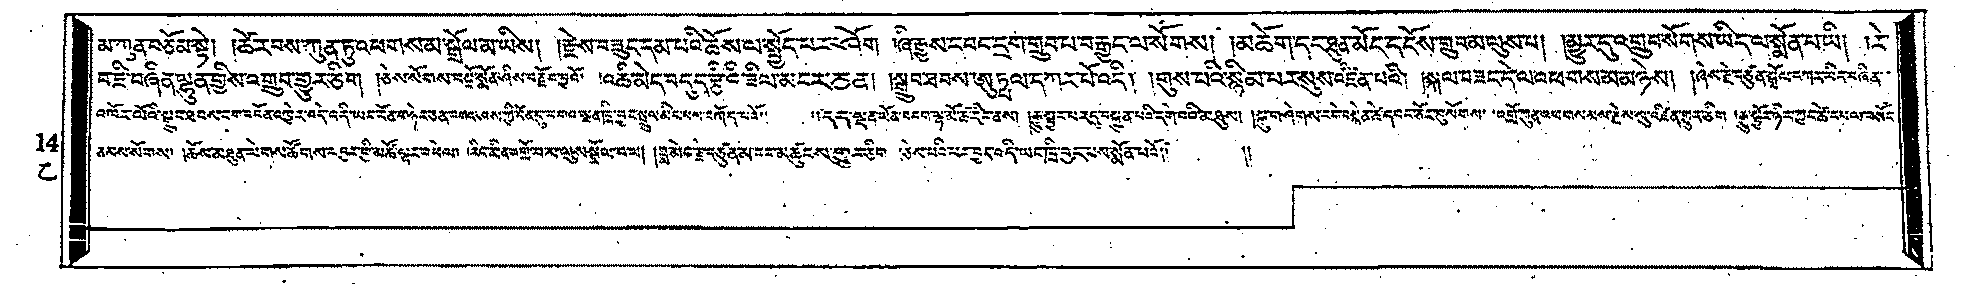མ་ཀུན་བཅོམ་སྟེ། །ཚེ་རབས་ཀུན་ཏུ་འཕགས་མ་སྒྲོལ་མ་ཡིས། །རྗེས་བཟུང་དམ་པའི་ཆོས་ལ་སྤྱོད་པར་ཤོག །ཞི་རྒྱས་དབང་དྲག་གྲུབ་པ་བརྒྱད་ལ་སོགས། །མཆོག་དང་ཐུན་མོངས་དངོས་གྲུབ་མ་ལུས་པ། །མྱུར་དུ་འགྲུབ་སོགས་ཡིད་ལ་སྨོན་པ་ཡི། །རེ་
བ་ཇི་བཞིན་ལྷུན་གྱིས་འགྲུབ་གྱུར་ཅིག་།ཅེས་སོགས་བསྔོ་སྨོན་ཤིས་བརྗོད་བྱའོ།  །འཆི་མེད་བདུད་རྩིའི་ཟིལ་མངར་ཅན། །སྒྲུབ་ཐབས་ཨུཏྤལ་དཀར་པོ་འདི། །གུས་པའི་སྙིམ་པར་སུས་འཛིན་པའི། །སྐལ་བཟང་དེ་ལ་འཕགས་མ་མཉེས། །ཞེས་རྗེ་བཙུན་སྒྲོལ་དཀར་ཡིད་བཞིན་་་
འཁོར་ལོའི་སྒྲུབ་ཐབས་ངག་འདོན་འཁྱེར་བདེ་འདི་ཡང་དོན་གཉེར་ཅན་དགའ་ཤས་ཀྱི་དོན་དུ་དགའ་ལྡན་ཁྲི་བྱང་སྤྲུལ་མིང་པས་བཀོད་པའོ།། །།དད་ལྡན་ཡོན་བདག་ལྷ་མོ་ཚེ་རིང་ནས། །རྒྱུ་སྦྱར་པར་དུ་བསྐྲུན་པའི་དགེ་བའི་མཐུས། །སྐུ་གཤེགས་དགེ་བསྙེན་ཚེ་དབང་ནོར་བུ་སོགས། །འགྲོ་ཀུན་འཕགས་མས་རྗེས་སུ་འཛིན་གྱུར་ཅིག །རྒྱུ་སྦྱོར་ཉིད་ཀྱང་ཚེ་དཔལ་བསོད་
ནམས་སོགས། །ཆོས་མཐུན་ལེགས་ཚོགས་དབྱར་གྱི་མཚོ་ལྟར་འཕེལ། །རིང་མིན་འགྲོ་བ་མ་ལུས་སྒྲོལ་བ་ལ། །ཟླ་མེད་རྗེ་བཙུན་མ་ངང་མཚུངས་གྱུར་ཅིག །ཅེས་པའི་པར་བྱང་འདི་ཡང་ཁྲི་བྱང་པས་སྨོན་པའོ།། །།